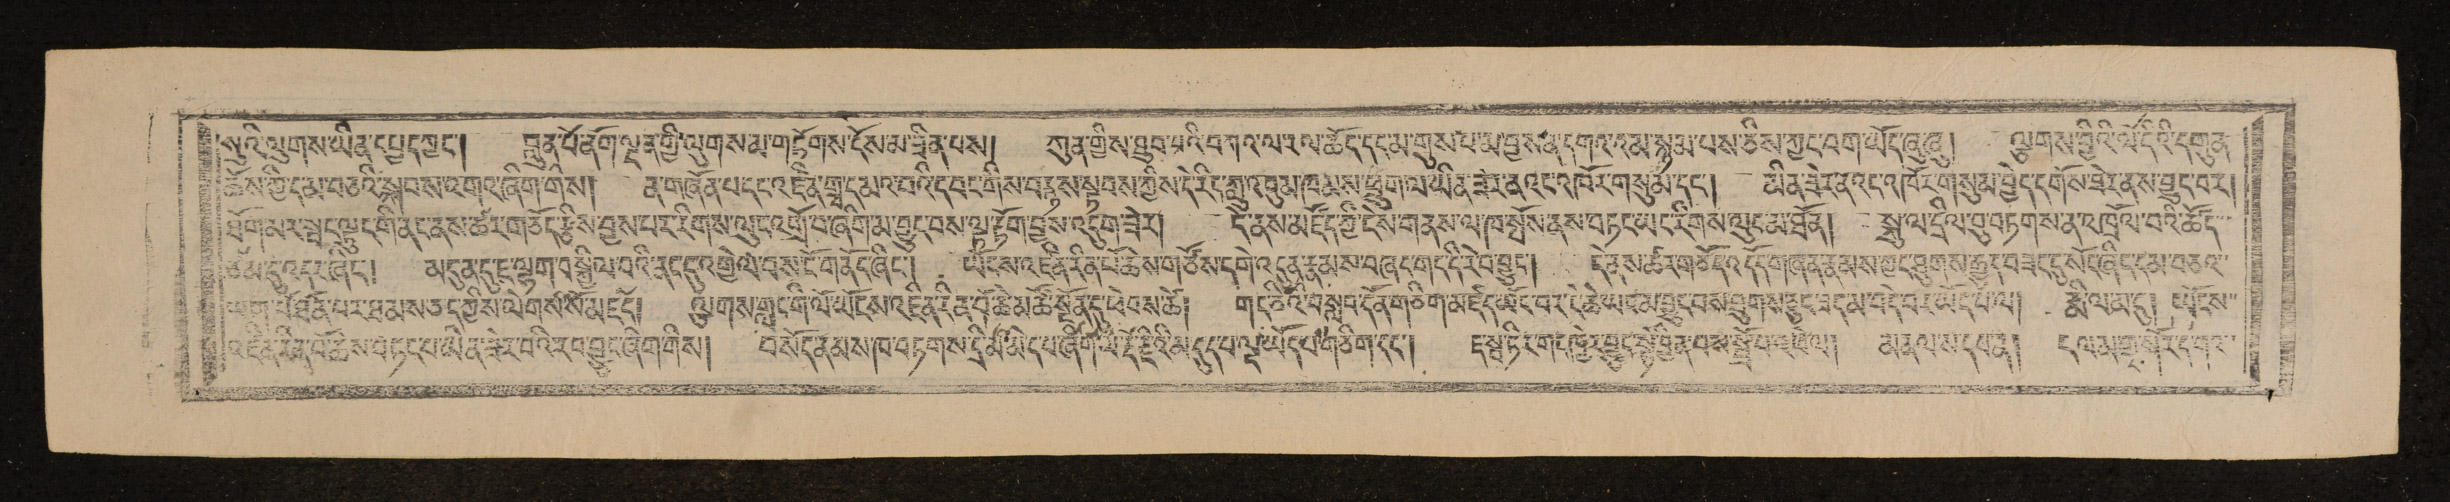སྐུའི་ལུགས་ཡིན་དཔྱད་ཀྱང་། བླུན་པོ་ནོག་ལྡན་གྱི་ལུགས་མ་གཏོགས་ངོས་མ་ཟིན་པས། ཀུན་གྱིས་ཐུབ་པའི་བཀའ་ལ་རལ་ཆོད་དང་མ་གུས་པ་མ་བྱས་ན་དགའཱམ་སྙམ་པས་ཅིས་ཀྱང་བག་ཡོད་ཞུ་ཞུ། ལྕགས་བྱིའི་ལོ་དེའི་དགུན་
ཆོས་ཀྱི་དམ་བཅའི་སྐབས་འགའ་ཞིག་གིས། ན་གཞོན་པ་དང་འཛིན་གྲྭ་དམའ་བའི་དབང་གིས་བརྙས་སྟབས་ཀྱིས་དེ་རིང་ཀླུ་འབུམ་ཁམས་ཕྲུག་ལ་ཡིན་ཟེར་ནའང་འཁོར་གསུམ་དང་། མིན་ཟེར་ནའང་འཁོར་གསུམ་བྱེད་དགོས་ཟེར་ནས་བྱུང་བར།
ཐོག་མར་སྦང་ལྟུང་གི་ནང་ནས་ཚར་གཅོད་རྩིས་བྱས་པར་རིགས་ལུང་འགྲོ་བ་ཞིག་མ་བྱུང་བས་ལྟ་རྟོག་བྱས་འདུག་ཟེར། དེ་ནས་མཛོད་ཀྱི་ངེས་གནས་ལ་ཁ་སྤོས་ནས་བཏང་ཡང་རིགས་ལུང་མ་ཐོན། སྐུ་ལ་དྲིལ་བུ་བཏགས་ན་འཁྲོལ་བའི་ཚོད་
ཙམ་དུ་འདར་ཞིང་། མདུན་དུ་ཇ་ལྷག་བསྐྱིལ་བའི་ནང་དུ་འགྱེལ་བས་ངོ་གནོད་ཞིང་། ཡོངས་འཛིན་རིན་པོ་ཆེས་གཙོས་དགེ་འདུན་རྣམས་བཞད་གང་དེ་ར་བ་བྱུང་། དེ་ནས་ཚར་གཅོད་འདོད་གཞན་རྣམས་ཀྱང་ཐུགས་རྒྱུད་བཟང་དུ་སོང་ཞིང་དམ་བཅའ་
ཡག་པོ་ཐོན་པར་ཐམས་ཅད་ཀྱིས་ལེགས་སོ་མཛད། ལྕགས་གླང་གི་ལོ་ཡོངས་འཛིན་རིན་པོ་ཆེ་མཚོ་སྔོན་དུ་ཕེབས་ཚེ། གང་ཅིའི་བསླབ་དོན་གཅིག་མཛད་ཡོང་བར་རེ་ཆེ་ཡང་མ་བྱུང་བས་ཐུགས་ཅུང་ཟད་མ་བདེ་བར་ཡོད་པ་ལ། རྨི་ལམ་དུ། ཡོངས་
འཛིན་རིན་པོ་ཆེས་བཏང་པ་ཡིན་ཟེར་བའི་རབ་བྱུང་ཞིག་གིས། བསོད་ནམས་ཁ་བཏགས་དྲི་མ་མེད་པ་ཞིག་ལ་རྡོ་རྗེའི་མདུད་པ་ལྔ་ཡོད་པ་གཅིག་དང་། ཛསྦ་ཏིར་གང་ཁྱེར་བྱུང་སྟེ་བྱིན་པས་སྤྲོ་པ་འཕེལ། མནལ་སད་པ་ན། ད་ལམ་གྲྭ་སྐོར་དགའ་